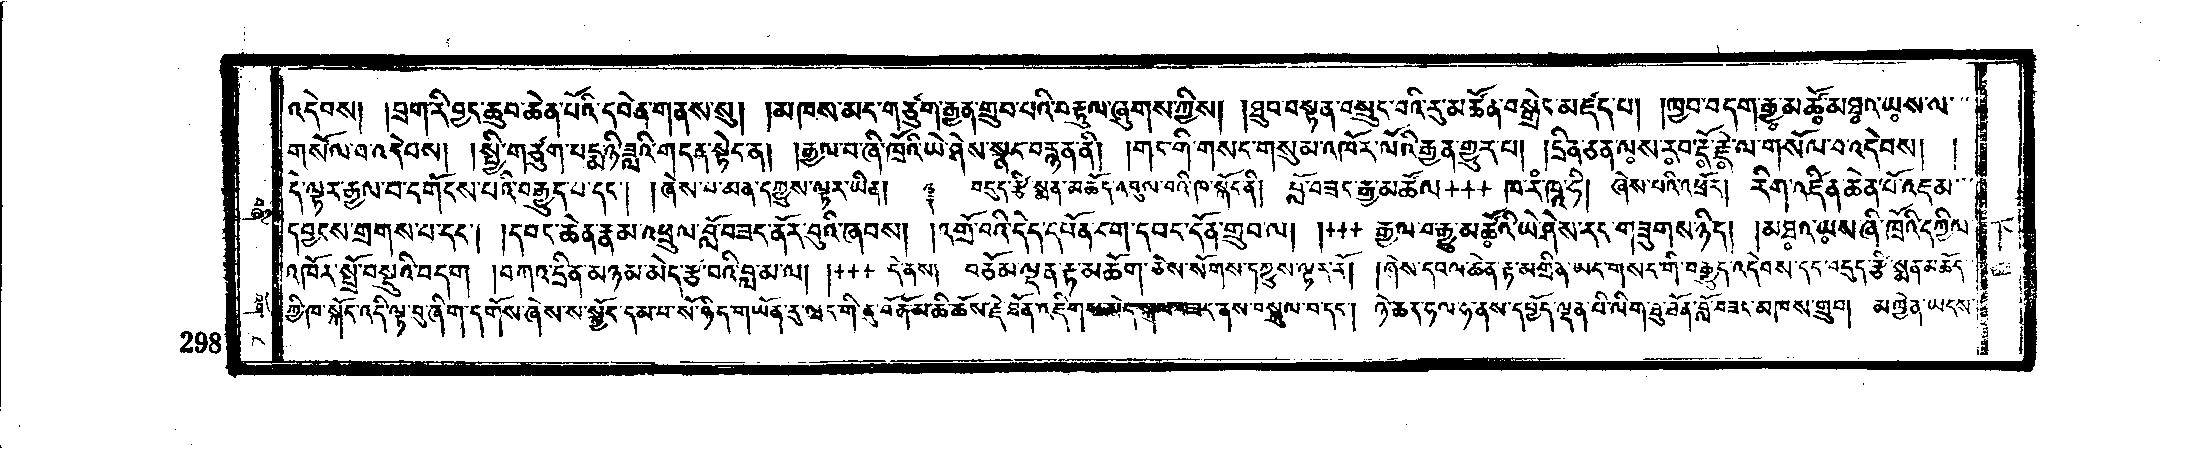འདེབས། །བྲག་རི་བྱང་ཆུབ་ཆེན་པོའི་དབེན་གནས་སུ། །མཁས་མང་གཙུག་རྒྱན་གྲུབ་པའི་བརྟུལ་ཞུགས་ཀྱིས། །ཐུབ་བསྟན་བསྲུང་བའི་རུ་མཚོན་བསྒྲེང་མཛད་པ། །ཁྱབ་བདག་རྒྱ་མཚོ་མཐའ་ཡས་ལ་
གསོལ་བ་འདེབས། །སྤྱི་གཙུག་པདམ་ཉི་ཟླའི་གདན་སྟེང་ན། །རྒྱལ་བ་ཞི་ཁྲོའི་ཡེ་ཤེས་སྣང་བརྙན་ནི། །གང་གི་གསང་གསུམ་འཁོར་ལོའི་རྒྱན་གྱུར་པ། །དྲིན་ཅན་ལས་རབ་རྡོ་རྗེ་ལ་གསོལ་བ་འདེབས། །
དེ་ལྟར་རྒྱལ་བ་དགོངས་པའི་བརྒྱུད་པ་དང་། །ཞེས་པ་མན་དཀྱུས་ལྟར་ཡིན། ༈ བདུད་རྩི་སྨན་མཆོད་འབུལ་བའི་ཁ་སྐོང་ནི། བློ་བཟང་རྒྱ་མཚོལ་+++་ཁ་རཾ་ཁཱ་ཧི། ཞེས་པའི་འཕྲོར། རིག་འཛིན་ཆེན་པོ་འཇམ་
དབྱངས་གྲགས་པ་དང་། །དབང་ཆེན་རྣམ་འཕྲུལ་བློ་བཟང་ནོར་བུའི་ཞབས། །འགྲོ་བའི་དེད་དཔོན་ངག་དབང་དོན་གྲུབ་ལ། །+++་རྒྱལ་བ་རྒྱུ་མཚོའི་ཡེ་ཤེས་རང་གཟུགས་ཉིད། །མཐའ་ཡས་ཞི་ཁྲོའི་དཀྱིལ་
འཁོར་སྤྲོ་བསྡུའི་བདག །བཀའ་དྲིན་མཉམ་མེད་རྩ་བའི་བླ་མ་ལ། །+++་དེ་ནས། བཅོམ་ལྡན་རྟ་མཆོག་ཅེས་སོགས་དཀྱུས་ལྟར་རོ། །ཞེས་དཔལ་ཆེན་རྟ་མགྲིན་ཡང་གསང་གི་བརྒྱུད་འདེབས་དང་བདུད་རྩི་སྨན་མཆོད་
ཀྱི་ཁ་སྐོང་འདི་ལྟ་བུ་ཞིག་དགོས་ཞེས་ས་སྐྱོང་དམ་པ་སོ་ཉིད་གཡོན་རུ་ཝང་གི་ནུ་བོ་རྒོམ་ཆི་ཆོས་རྗེ་ཐོན་འཇིགས་མེད་སྐལ་བཟང་ནས་བསྐུལ་བ་དང་། ཉེ་ཆར་ཧལ་ཧ་ནས་དཔྱོད་ལྡན་པི་ལིག་ཐུ་ཐོན་བློ་བཟང་མཁས་གྲུབ། མཁྱེན་ཡངས་